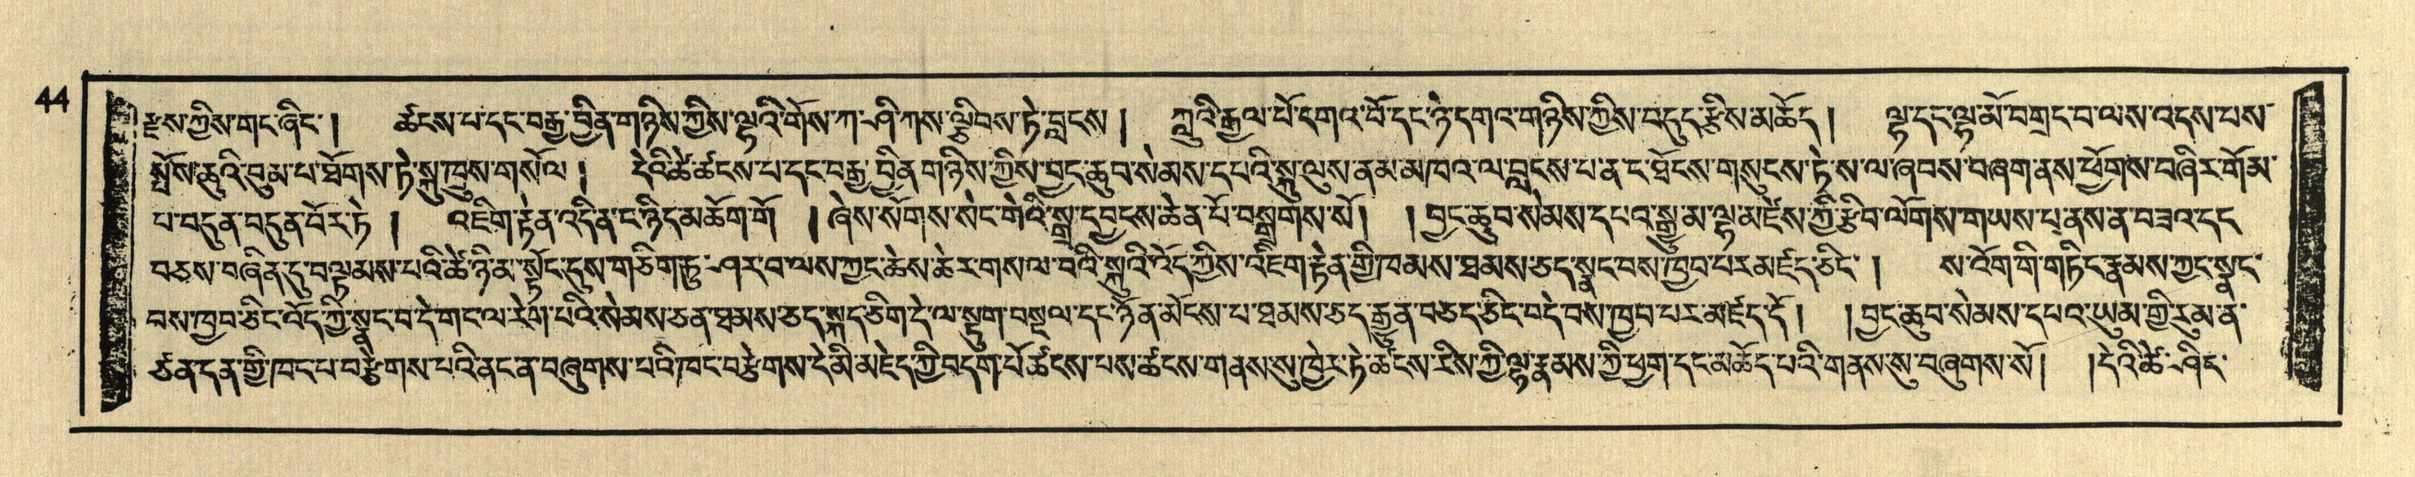རྫས་ཀྱིས་གང་ཞིང་། ཚངས་པ་དང་བརྒྱ་བྱིན་གཉིས་ཀྱིས་ལྷའི་གོས་ཀ་ཤི་ཀས་ལྕིབས་ཏེ་བླངས། ཀླུའི་རྒྱལ་པོ་དགའ་བོ་དང་ཉེ་དགའ་གཉིས་ཀྱིས་བདུད་རྩིས་མཆོད། ལྷ་དང་ལྷ་མོ་བགྲང་བ་ལས་འདས་པས་
སྤོས་ཆུའི་བུམ་པ་ཐོགས་ཏེ་སྐུ་ཁྲུས་གསོལ། དེའི་ཚེ་ཚངས་པ་དང་བརྒྱ་བྱིན་གཉིས་ཀྱིས་བྱང་ཆུབ་སེམས་དཔའི་སྐུ་ལུས་ནམ་མཁའ་ལ་བླངས་པ་ན་ང་ཐོངས་གསུངས་ཏེ་ས་ལ་ཞབས་བཞག་ནས་ཕྱོགས་བཞིར་གོམ་
པ་བདུན་བདུན་བོར་ཏེ། འཇིག་རྟེན་འདི་ན་ང་ཉིད་མཆོག་གོ །ཞེས་སོགས་སེང་གེའི་སྒྲ་དབྱངས་ཆེན་པོ་བསྒྲགས་སོ། །བྱང་ཆུབ་སེམས་དཔའ་སྒྱུ་མ་ལྷ་མཛེས་ཀྱི་རྩིབ་ལོགས་གཡས་པ་ནས་ན་བཟའ་དང་
བཅས་བཞིན་དུ་བལྟམས་པའི་ཚེ་ཉི་མ་སྟོང་དུས་གཅིག་ཏུ་ཤར་བ་ལས་ཀྱང་ཆེས་ཆེར་གསལ་བའི་སྐུའི་འོད་ཀྱིས་འཇིག་རྟེན་གྱི་ཁམས་ཐམས་ཅད་སྣང་བས་ཁྱབ་པར་མཛད་ཅིང་། ས་འོག་གི་གཏིང་རྣམས་ཀྱང་སྣང་
བས་ཁྱབ་ཅིང་འོད་ཀྱི་སྣང་བ་དེ་གང་ལ་རེག་པའི་སེམས་ཅན་ཐམས་ཅད་སྐད་ཅིག་དེ་ལ་སྡུག་བསྔལ་དང་ཉོན་མོངས་པ་ཐམས་ཅད་རྒྱུན་བཅད་ཅིང་བདེ་བས་ཁྱབ་པར་མཛད་དོ། །བྱང་ཆུབ་སེམས་དཔའ་ཡུམ་གྱི་རུམ་ན་
ཙན་དན་གྱི་ཁང་པ་བརྩེགས་པའི་ནང་ན་བཞུགས་པའི་ཁང་བརྩེགས་དེ་མི་མཇེད་ཀྱི་བདག་པོ་ཚངས་པས་ཚངས་གནས་སུ་ཁྱེར་ཏེ་ཚངས་རིས་ཀྱི་ལྷ་རྣམས་ཀྱི་ཕྱག་དང་མཆོད་པའི་གནས་སུ་བཞུགས་སོ། །དེའི་ཚེ་ཤིང་